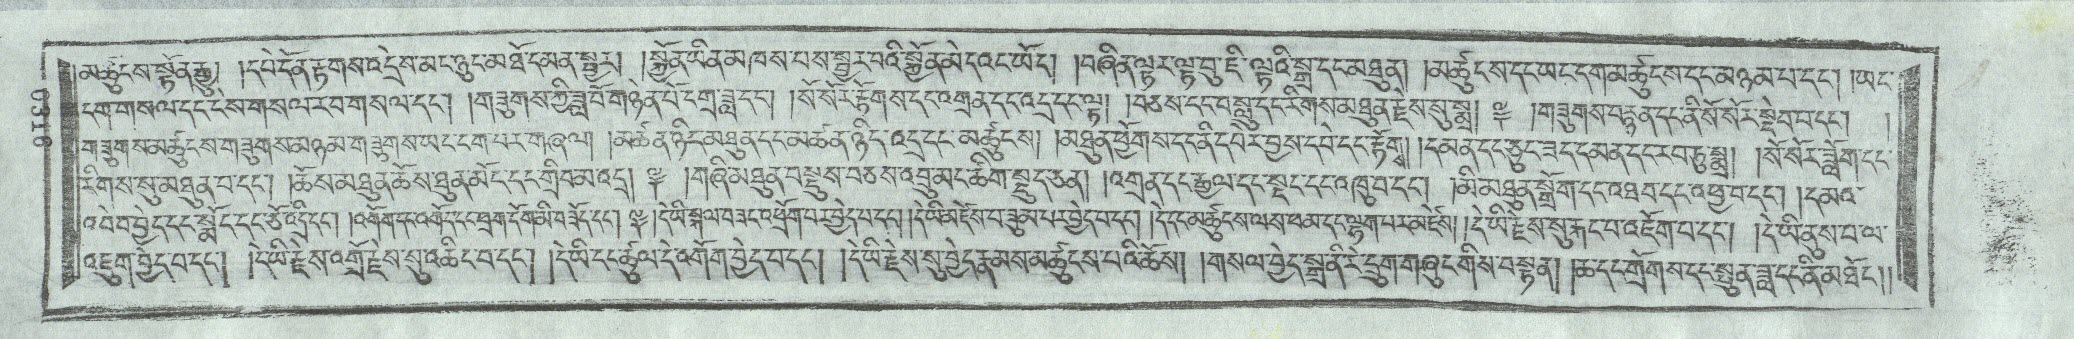མཚུངས་སྟོན་རྒྱུ། །དཔེ་དོན་རྟགས་འདྲེས་མང་ཉུང་མཐོ་དམན་སྦྱར། །སྐྱོན་ཡིན་མཁས་བས་སྦྱར་བའི་སྐྱོན་མེད་འང་ཡོད། །བཞི་ལྟར་ལྟ་བུ་ཇི་ལྟའི་སྒྲ་དང་མཐུན། །མཚུངས་དང་ཡང་དག་མཚུངས་དང་མཉམ་པ་དང་། ཡང་
དག་གསལ་དང་ངེས་གསལ་རབ་གསལ་དང་། །གཟུགས་ཀྱི་ཟླ་བོ་གཉེན་པོ་དགྲ་ཟླ་དང་། །སོ་སོར་རྟོགས་དང་འགྲན་དང་འདྲ་དང་ལྟ། །བཅས་དང་བསླུ་དང་རིགས་མཐུན་རྗེས་སུ་སྨྲ། ༈ །གཟུགས་བརྙན་དང་ནི་སོ་སོར་སྡེག་པ་དང་།
གཟུགས་མཚུངས་མཚུངས་གཟུགས་མཉམ་གཟུགས་ཡང་དག་པར་གཞལ། །མཚན་ཉིད་མཐུན་དང་མཚན་ཉིད་འདྲ་དང་མཚུངས། །མཐུན་ཕྱོགས་དང་ནི་དཔེར་བྱས་དཔེ་དང་རྟོགས། །དམན་དང་ཅུང་ཟད་དམན་དང་རབ་ཏུ་སྨྲ། །སོ་སོར་ཟློག་དང་
རིགས་སུ་མཐུན་པ་དང་། །ཆོས་མཐུན་ཆོས་ཐུན་མོང་དང་གྲིབ་མ་འདྲ། ༈ །གཞི་མཐུན་བསྡུས་བཅས་འབྲུ་མང་ཚིག་སྡུད་ཅན། །འགྲན་དང་རྒྱལ་དང་སྡང་དང་འཁུ་བ་དང་། །མི་མཐུན་སྒྲོག་དང་འཐབ་དང་འཕྱ་བ་དང་། །དམའ་
འབེབ་བྱེད་དང་སྨོད་དང་ཅོ་འདི་དང་། །འགོག་དང་འགོད་དང་བྲག་དོག་མི་བཟོད་དང་། ༈ །དེ་ཡི་སྐལ་བཟང་འཕྲོག་པར་བྱེད་པ་དང་། །དེ་ཡི་མཛེས་པ་ཟུམ་པར་བྱེད་པ་དང་། །དེ་དང་མཚུངས་ལས་ཕམ་དང་ལྷག་པར་མཛེས། །དེ་ཡི་རྗེས་སུ་རྐང་བ་འཇོག་པ་དང་། །དེ་ཡི་ནུས་པ་ལ་
འཇུག་བྱེད་པ་དང་། །དེ་ཡི་རྗེས་འགྲོ་རྗེས་སུ་འཆིང་བ་དང་། །དེ་ཡི་ངང་ཚུལ་དེ་འགོག་བྱེད་པ་དང་། །དེ་ཡི་རྗེས་སུ་བྱེད་རྣམས་མཚུངས་པའི་ཆོས། །གསལ་བྱེད་སྒྲ་ནི་རེ་དྲུག་གཞུང་གིས་བསྟན། །ཆ་དང་གྲོགས་དང་སྤུན་ཟླ་དང་ནི་མ་འོང?། །